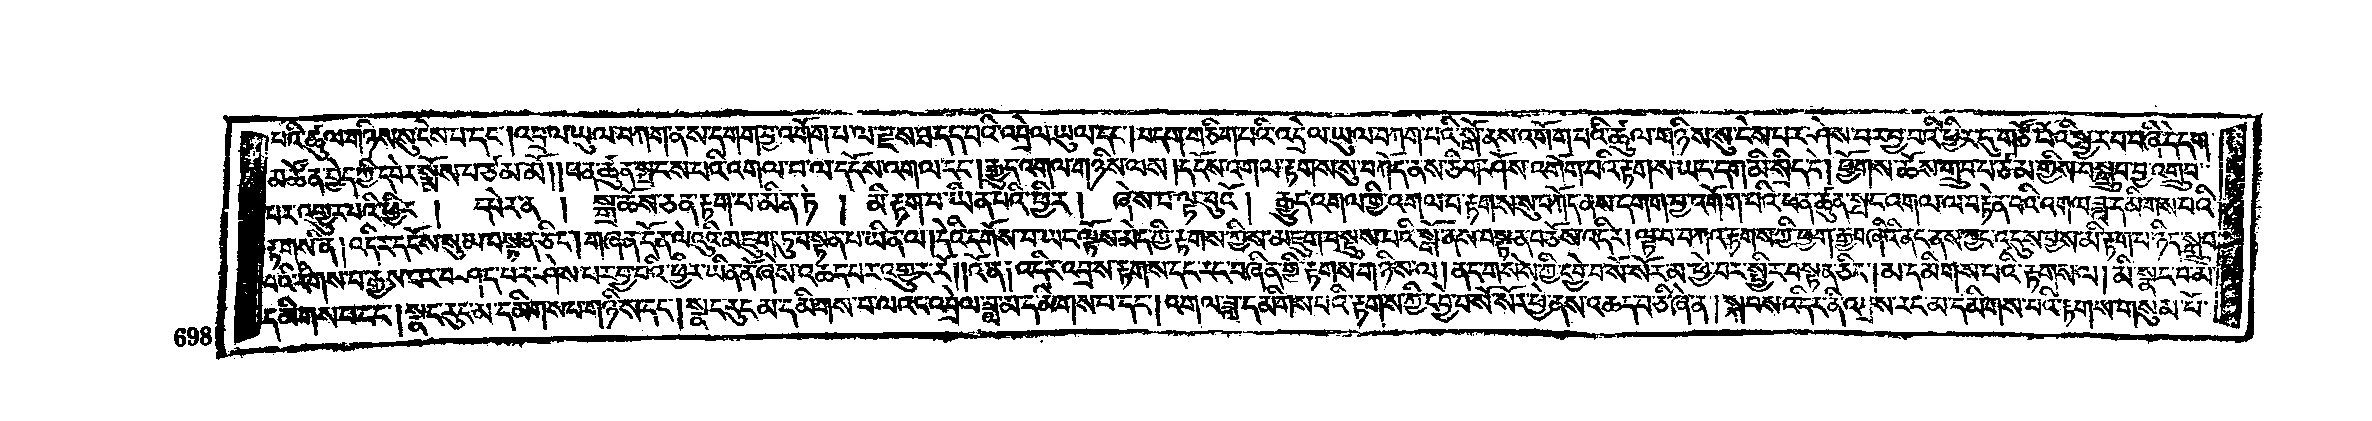པའི་ཚུལ་གཉིས་སུ་ངེས་པ་དང་། འབྲེལ་ཡུལ་བཀག་ནས་དགག་བྱ་འགོག་པ་ལ་རྫས་ཐ་དད་པའི་འབྲེལ་ཡུལ་དང་། བདག་གཅིག་པའི་འབྲེལ་ཡུལ་བཀག་པའི་སྒོ་ནས་འགོག་པའི་ཚུལ་གཉིས་སུ་ངེས་པར་ཤེས་པར་བྱ་བའི་ཕྱིར་དུ་གཙོ་བོའི་སྦྱར་བ་བཞི་དེ་དག་
མཚོན་བྱེད་ཀྱི་དཔེར་སྨོས་པ་ཙམ་མོ། །ཕན་ཚུན་སྤངས་པའི་འགལ་བ་ལ་དངོས་འགལ་དང་། རྒྱུད་འགལ་གཉིས་ལས། དངོས་འགལ་རྟགས་སུ་བཀོད་ནས་ཅིག་ཤོས་འགོག་པའི་རྟགས་ཡང་དག་མི་སྲིད་དེ། ཕྱོགས་ཆོས་གྲུབ་པ་ཙམ་གྱིས་བསྒྲུབ་བྱ་འགྲུབ་
པར་འགྱུར་པའི་ཕྱིར། དཔེར་ན། སྒྲ་ཆོས་ཅན་རྟག་པ་མིན་ཏེ། མི་རྟག་པ་ཡིན་པའི་ཕྱིར། ཞེས་པ་ལྟ་བུའོ། །རྒྱུད་འགལ་གྱི་འགལ་བ་རྟགས་སུ་བཀོད་ནས་དགག་བྱ་འགོག་པའི་ཕན་ཚུན་སྤང་འགལ་ལ་བརྟེན་པའི་འགལ་ཟླ་དམིགས་པའི་
རྟགས་ནི། འདིར་དངོས་སུ་མ་བསྟན་ཅིང་། གཞན་དོན་ལེའུའི་མཇུག་ཏུ་བསྟན་པ་ཡིན་ལ། དེའི་དགོས་པ་ཡང་ལྟོས་མེད་ཀྱི་རྟགས་ཀྱིས་མཇུག་བསྡུས་པའི་སྒོ་ནས་བསྟན་བཅོས་འདིར། ལྟ་བ་བཀའ་རྟགས་ཀྱི་ཕྱག་རྒྱ་བཞིའི་ནང་ནས་ཀྱང་འདུས་བྱས་མི་རྟག་པ་ཉིད་སྒྲུབ་
པའི་རིགས་པ་རྒྱས་པར་བཤད་པར་ཤེས་པར་བྱ་བའི་ཕྱིར་ཡིན་ནོ་ཞེས་འཆད་པར་འགྱུར་རོ། །འོ་ན། འདིར་འབྲས་རྟགས་དང་རང་བཞིན་གྱི་རྟགས་གཉིས་ལ། ནང་གསེས་ཀྱི་དབྱེ་བ་སོ་སོར་མ་ཕྱེ་བར་སྤྱིར་བསྟན་ཅིང་། མ་དམིགས་པའི་རྟགས་ལ། མི་སྣང་བ་མ་
དམིགས་པ་དང་། སྣང་རུང་མ་དམིགས་པ་གཉིས་དང་། སྣང་རུང་མ་དམིགས་པ་ལའང་འབྲེལ་ཟླ་མ་དམིགས་པ་དང་། འགལ་ཟླ་དམིགས་པའི་རྟགས་ཀྱི་དབྱེ་བ་སོ་སོར་ཕྱེ་ནས་འཆད་པ་ཅི་ཞེ་ན། སྐབས་འདིར་ནི་འབྲས་རང་མ་དམིགས་པའི་རྟགས་གསུམ་པོ་